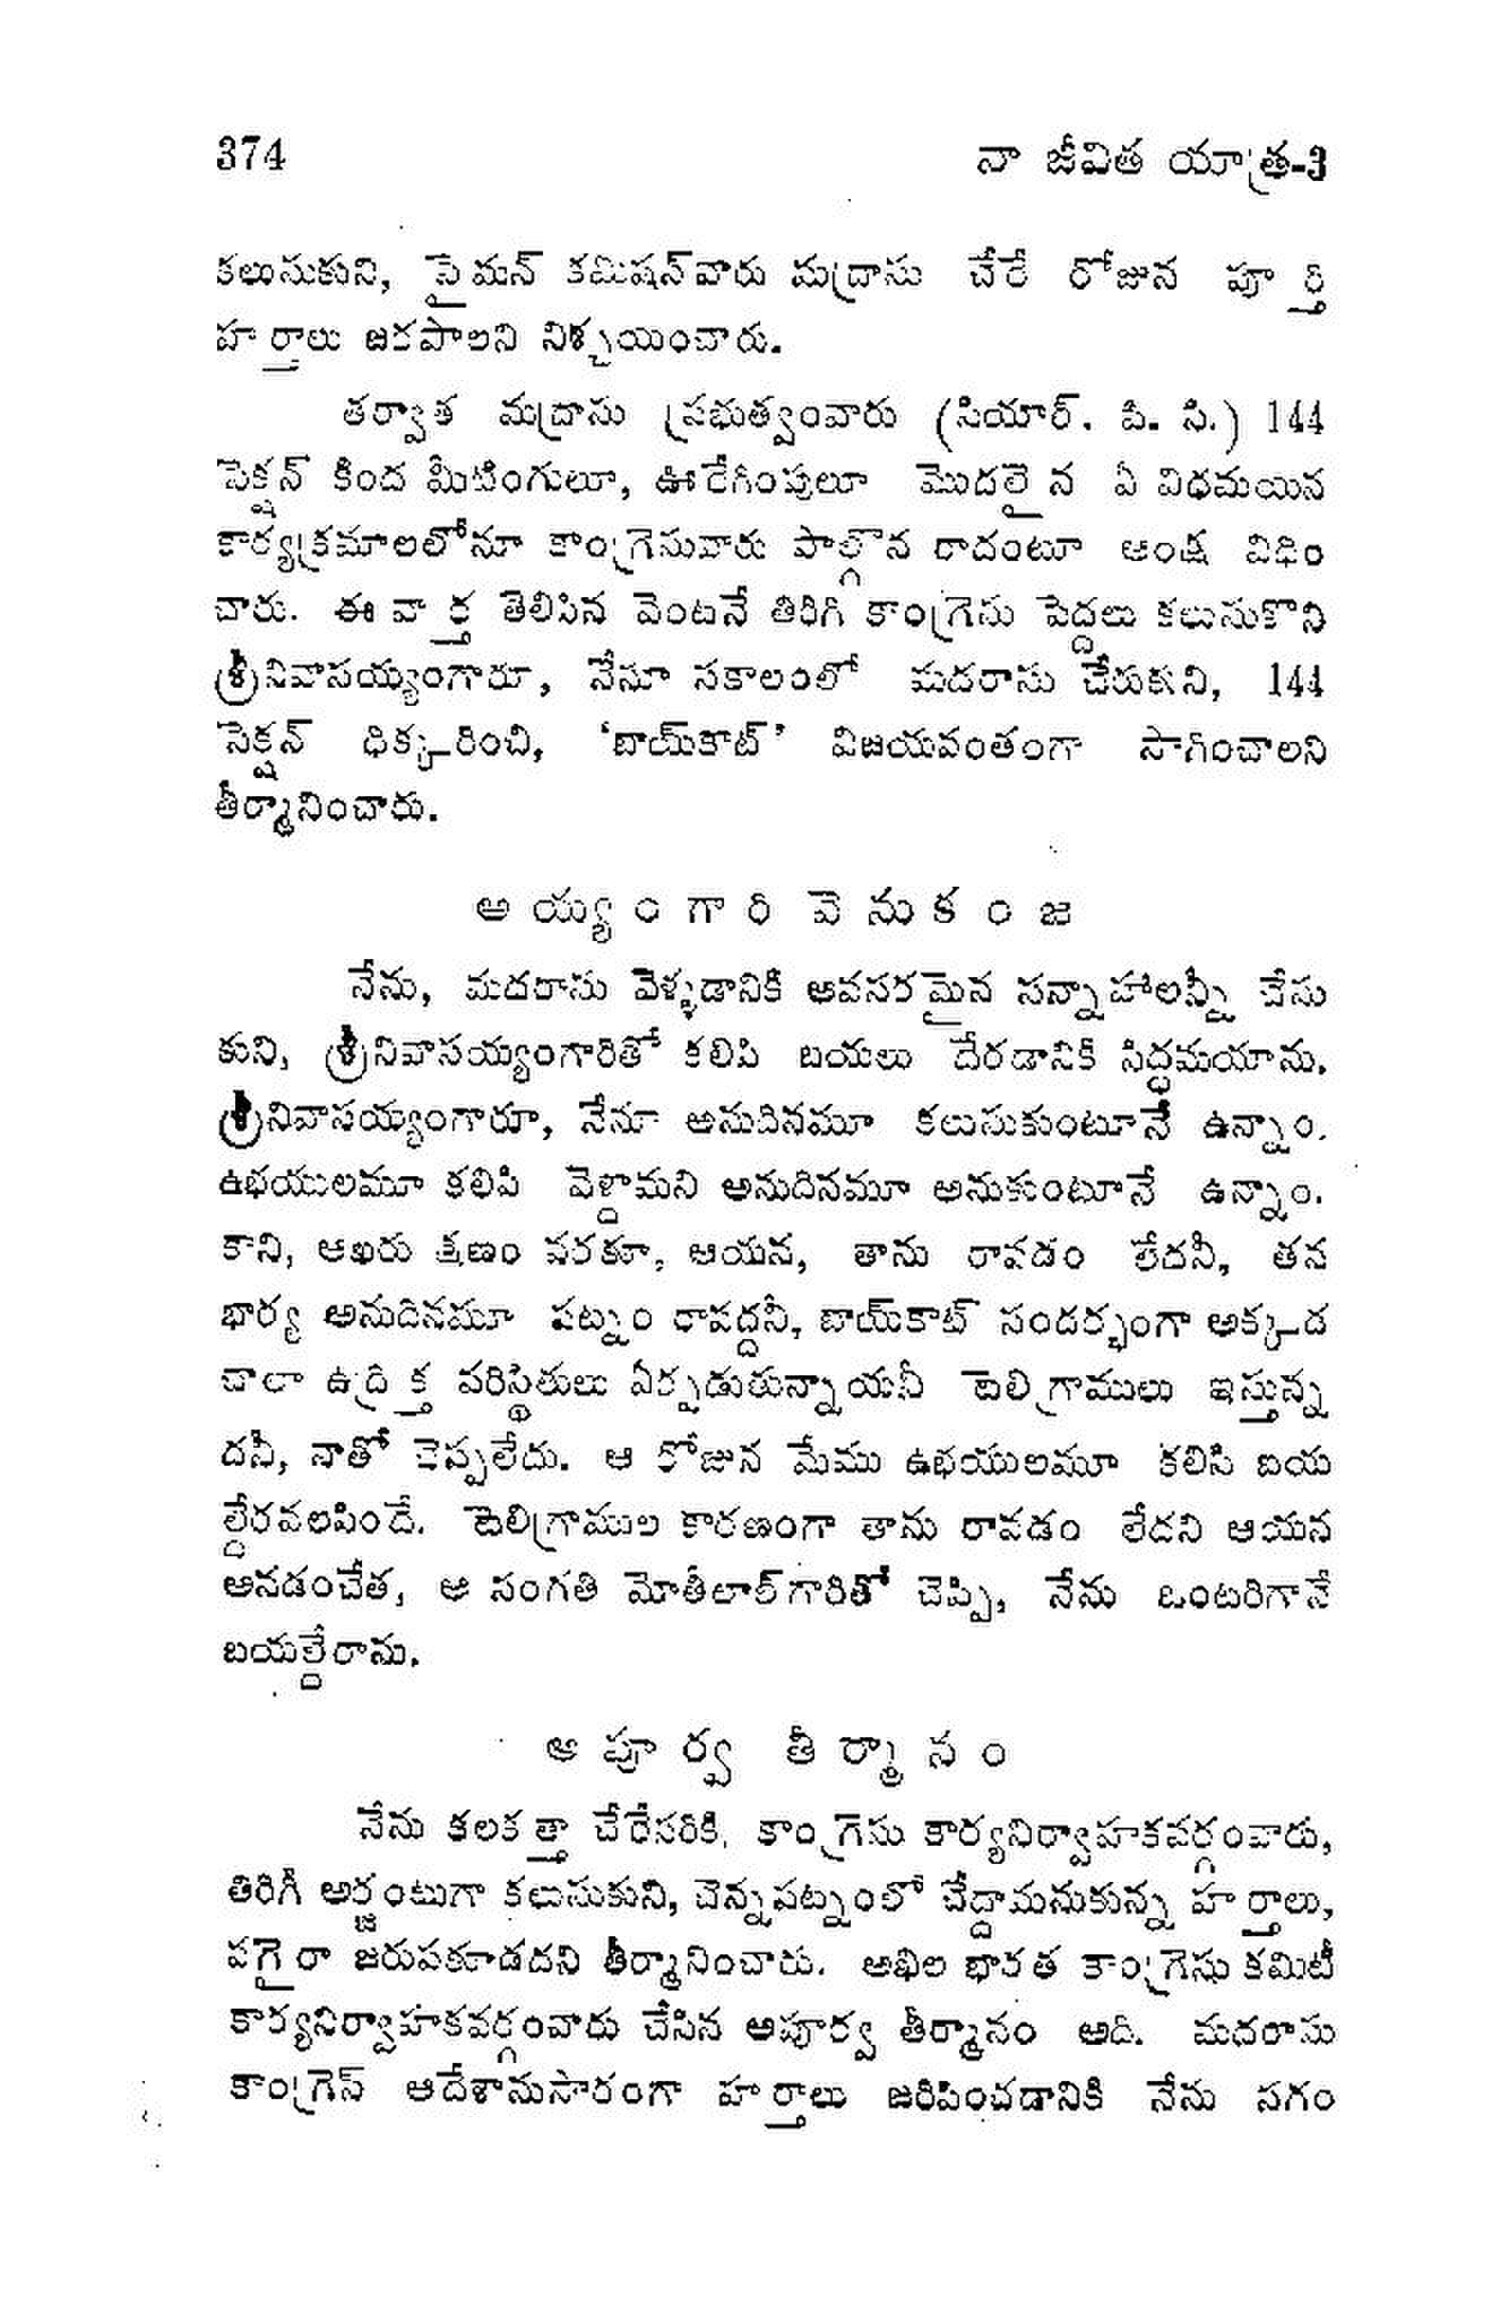కలుసుకొని, సైమన్ కమిషన్‌వారు మద్రాసు చేరే రోజున పూర్తి హర్తాలు జరపాలని నిశ్చయించారు.

తర్వాత మద్రాసు ప్రభుర్వంవారు (సియార్. పి. సి.) 144 సెక్షన్ కింద మీటింగులూ, ఊరేగింపులూ మొదలైన ఏ విధమయిన కార్యక్రమాలలోనూ కాంగ్రెసువారు పాల్గొన రాదంటూ ఆంక్ష విధించారు. ఈ వార్త తెలిపిన వెంటనే తిరిగి కాంగ్రెసు పెద్దలు కలుసుకొని శ్రీనివాసయ్యంగారూ, నేనూ సకాలంలో మదరాసు చేరుకుని, 144 సెక్షన్ ధిక్కరించి, 'బాయ్‌కాట్‌' విజయవంతంగా సాగించాలని తీర్మానించారు.

నేను, మదరాసు వెళ్ళడానికి అవసరమైన సన్నాహాలన్నీ చేసుకుని, శ్రీనివాసయ్యంగారితో కలిసి బయలు దేరడానికి సిద్ధమయాను. శ్రీనివాసయ్యంగారూ, నేనూ అనుదినమూ కలుసుకుంటూనే ఉన్నాం. ఉభయులమూ కలిసి వెళ్దామని అనుదినమూ అనుకుంటూనే ఉన్నాం. కాని, ఆఖరు క్షణం వరకూ, ఆయన, తాను రావడం లేదనీ, తన భార్య అనుదినమూ పట్నం రావద్దనీ, బాయ్‌కాట్ సందర్భంగా అక్కడ చాలా ఉద్రిక్త పరిస్థితులు ఏర్పడుతున్నాయనీ టెలిగ్రాములు ఇస్తున్నదనీ, నాతో చెప్పలేదు. ఆ రోజున మేము ఉభయులమూ కలిసి బయల్దేరవలసిందే. టెలిగ్రాముల కారణంగా తాను రావడం లేదని ఆయన అనడంచేత, ఆ సంగతి మోతీలాల్‌గారితో చెప్పి, నేను ఒంటరిగానే బయల్దేరాను.

నేను కలకత్తా చేరేసరికి, కాంగ్రెసు కార్యనిర్వాహకవర్గంవారు, తిరిగీ అర్జంటుగా కలుసుకుని, చెన్నపట్టంలో చేద్దామనుకున్న హర్తాలు, వగైరా జరుపకూడదని తీర్మానించారు. అఖిల భారత కాంగ్రెసు కమిటీ కార్యనిర్వాహకవర్గంవారు చేసిన అపూర్వ తీర్మానం అది. మదరాసు కాంగ్రెసు ఆదేశానుసారంగా హర్తాలు జరిపించడానికి నేను సగం